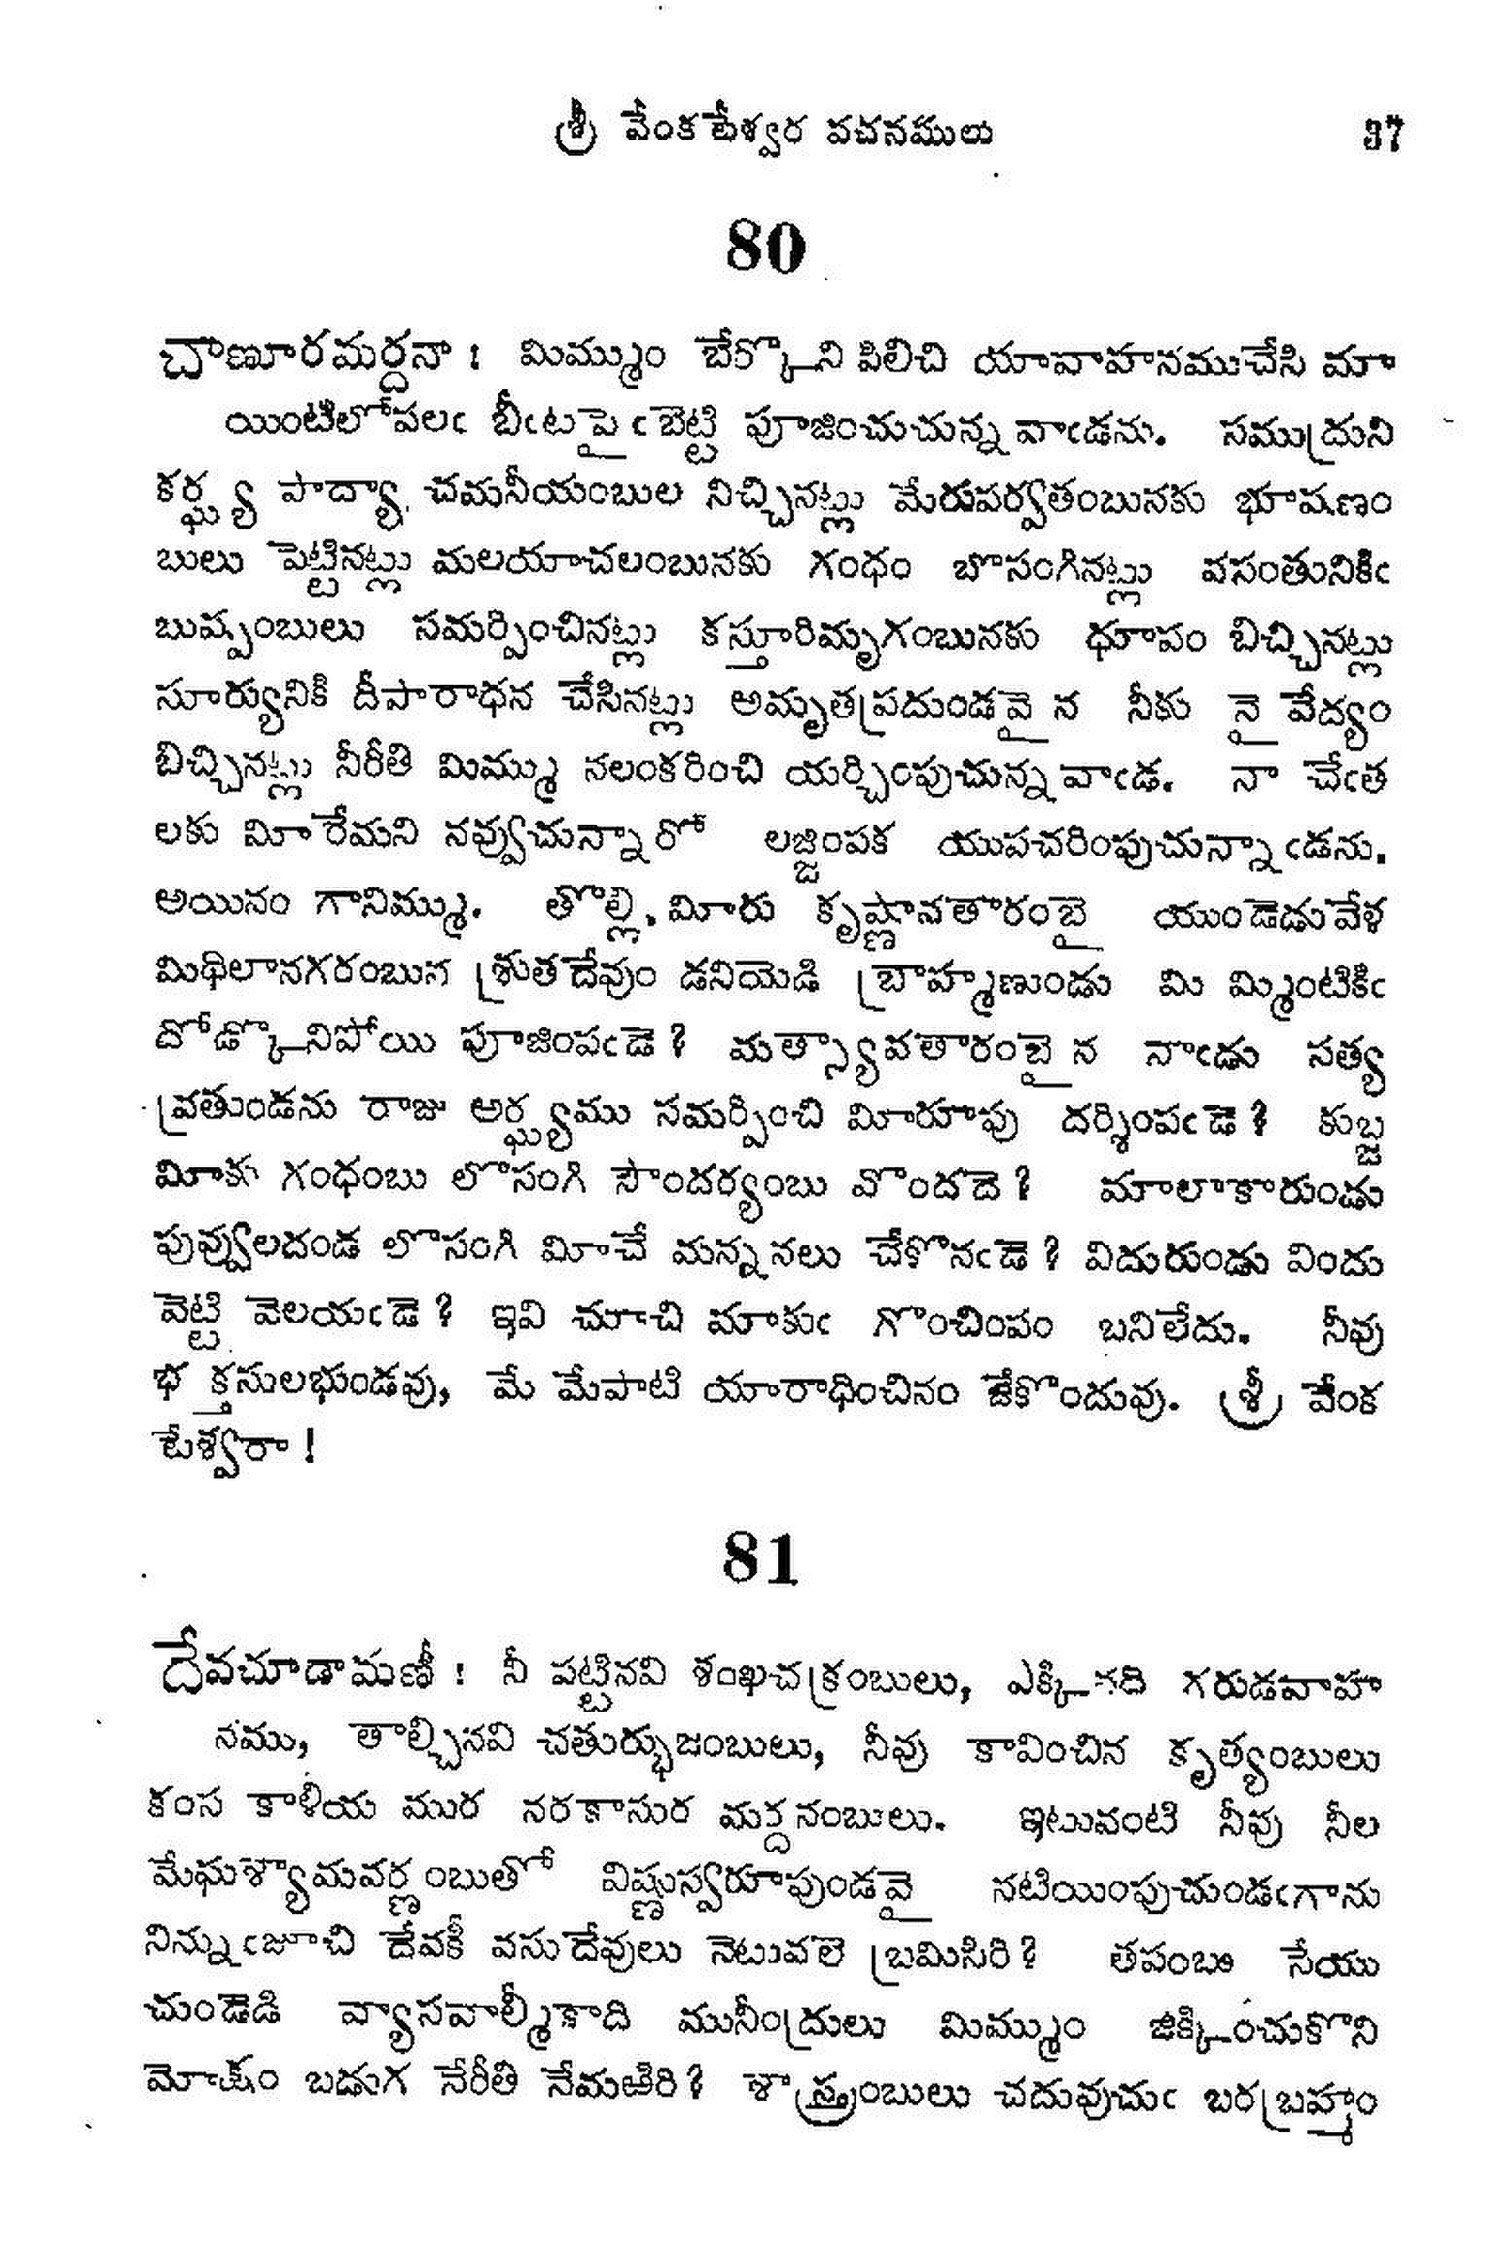80

 ! మిమ్ముం బేర్కోని పిలిచి యావాహనముచేసి మా యింటిలోపలఁ బీటపైఁ బెట్టి పూజించుచున్నవాఁడను. సముద్రుని కర్ఘ్య పాద్యా చమనీయంబుల నిచ్చినట్లు మేరుపర్వతంబునకు భూషణంబులు పెట్టినట్లు మలయాచలంబునకు గంధం బొసంగినట్లు వసంతునికి బుష్పంబులు సమర్పించినట్లు కస్తూరి మృగంబునకు ధూపం బిచ్చినట్లు సూర్యునికి దీపారాధన చేసినట్లు అమృత ప్రదుండవైన నీకు నై వేద్యం బిచ్చినట్లు నీరీతి మిమ్ము నలంకరించి యర్చింపుచున్నవాఁడ. నా చేతలకు మీ రేమని నవ్వుచున్నారో లజ్జింపక యుపచరింపుచున్నాఁడను. అయినం గానిమ్ము. తొల్లి, మీరు కృష్ణావతారంబై యుండెడు వేళ మిథిలానగరంబున శ్రుతదేవుం డనియెడి బ్రాహ్మణుండు మి మ్మింటికిఁ దోడ్కొనిపోయి పూజింపఁడె? మత్స్యావతారంబైన నాడు సత్యవ్రతుండను రాజు అర్ఘ్యము సమర్పించి మీరూపు దర్శింపఁడె? కుబ్జ మీకు గంధంబు లొసంగి సౌందర్యంబు వొందదా? మాలాకారుండు పువ్వులదండ లొసంగి మీచే మన్ననలు చేకొనఁడె? విదురుండు విందు వెట్టి వెలయఁడె? ఇవి చూచి మాకుఁ గొంచింపం బనిలేదు. నీవు భక్తసులభుండవు, మే మేపాటి యారాధించినం జేకొందువు. శ్రీ వేంకటేశ్వరా !

81

 ! నీ పట్టినవి శంఖచక్రంబులు, ఎక్కినది గరుడవాహనము, తాల్చినవి చతుర్భుజంబులు, నీవు కావించిన కృత్యంబులు కంస కాళియ ముర నరకాసుర మర్ధనంబులు. ఇటువంటి నీవు నీలమేఘశ్యామవర్ణంబుతో విష్ణుస్వరూపుండవై నటియింపుచుండఁగాను నిన్నుఁజూచి దేవకీ వసుదేవులు నెటువలె బ్రమిసిరి? తపంబు సేయు చుండెడి వ్యాసవాల్మీకాది మునీంద్రులు మిమ్ముం జిక్కించుకొని మోక్షం బడుగ నేరీతి నేమఱిరి? శాస్త్రంబులు చదువుచుఁ బరబ్రహ్మం